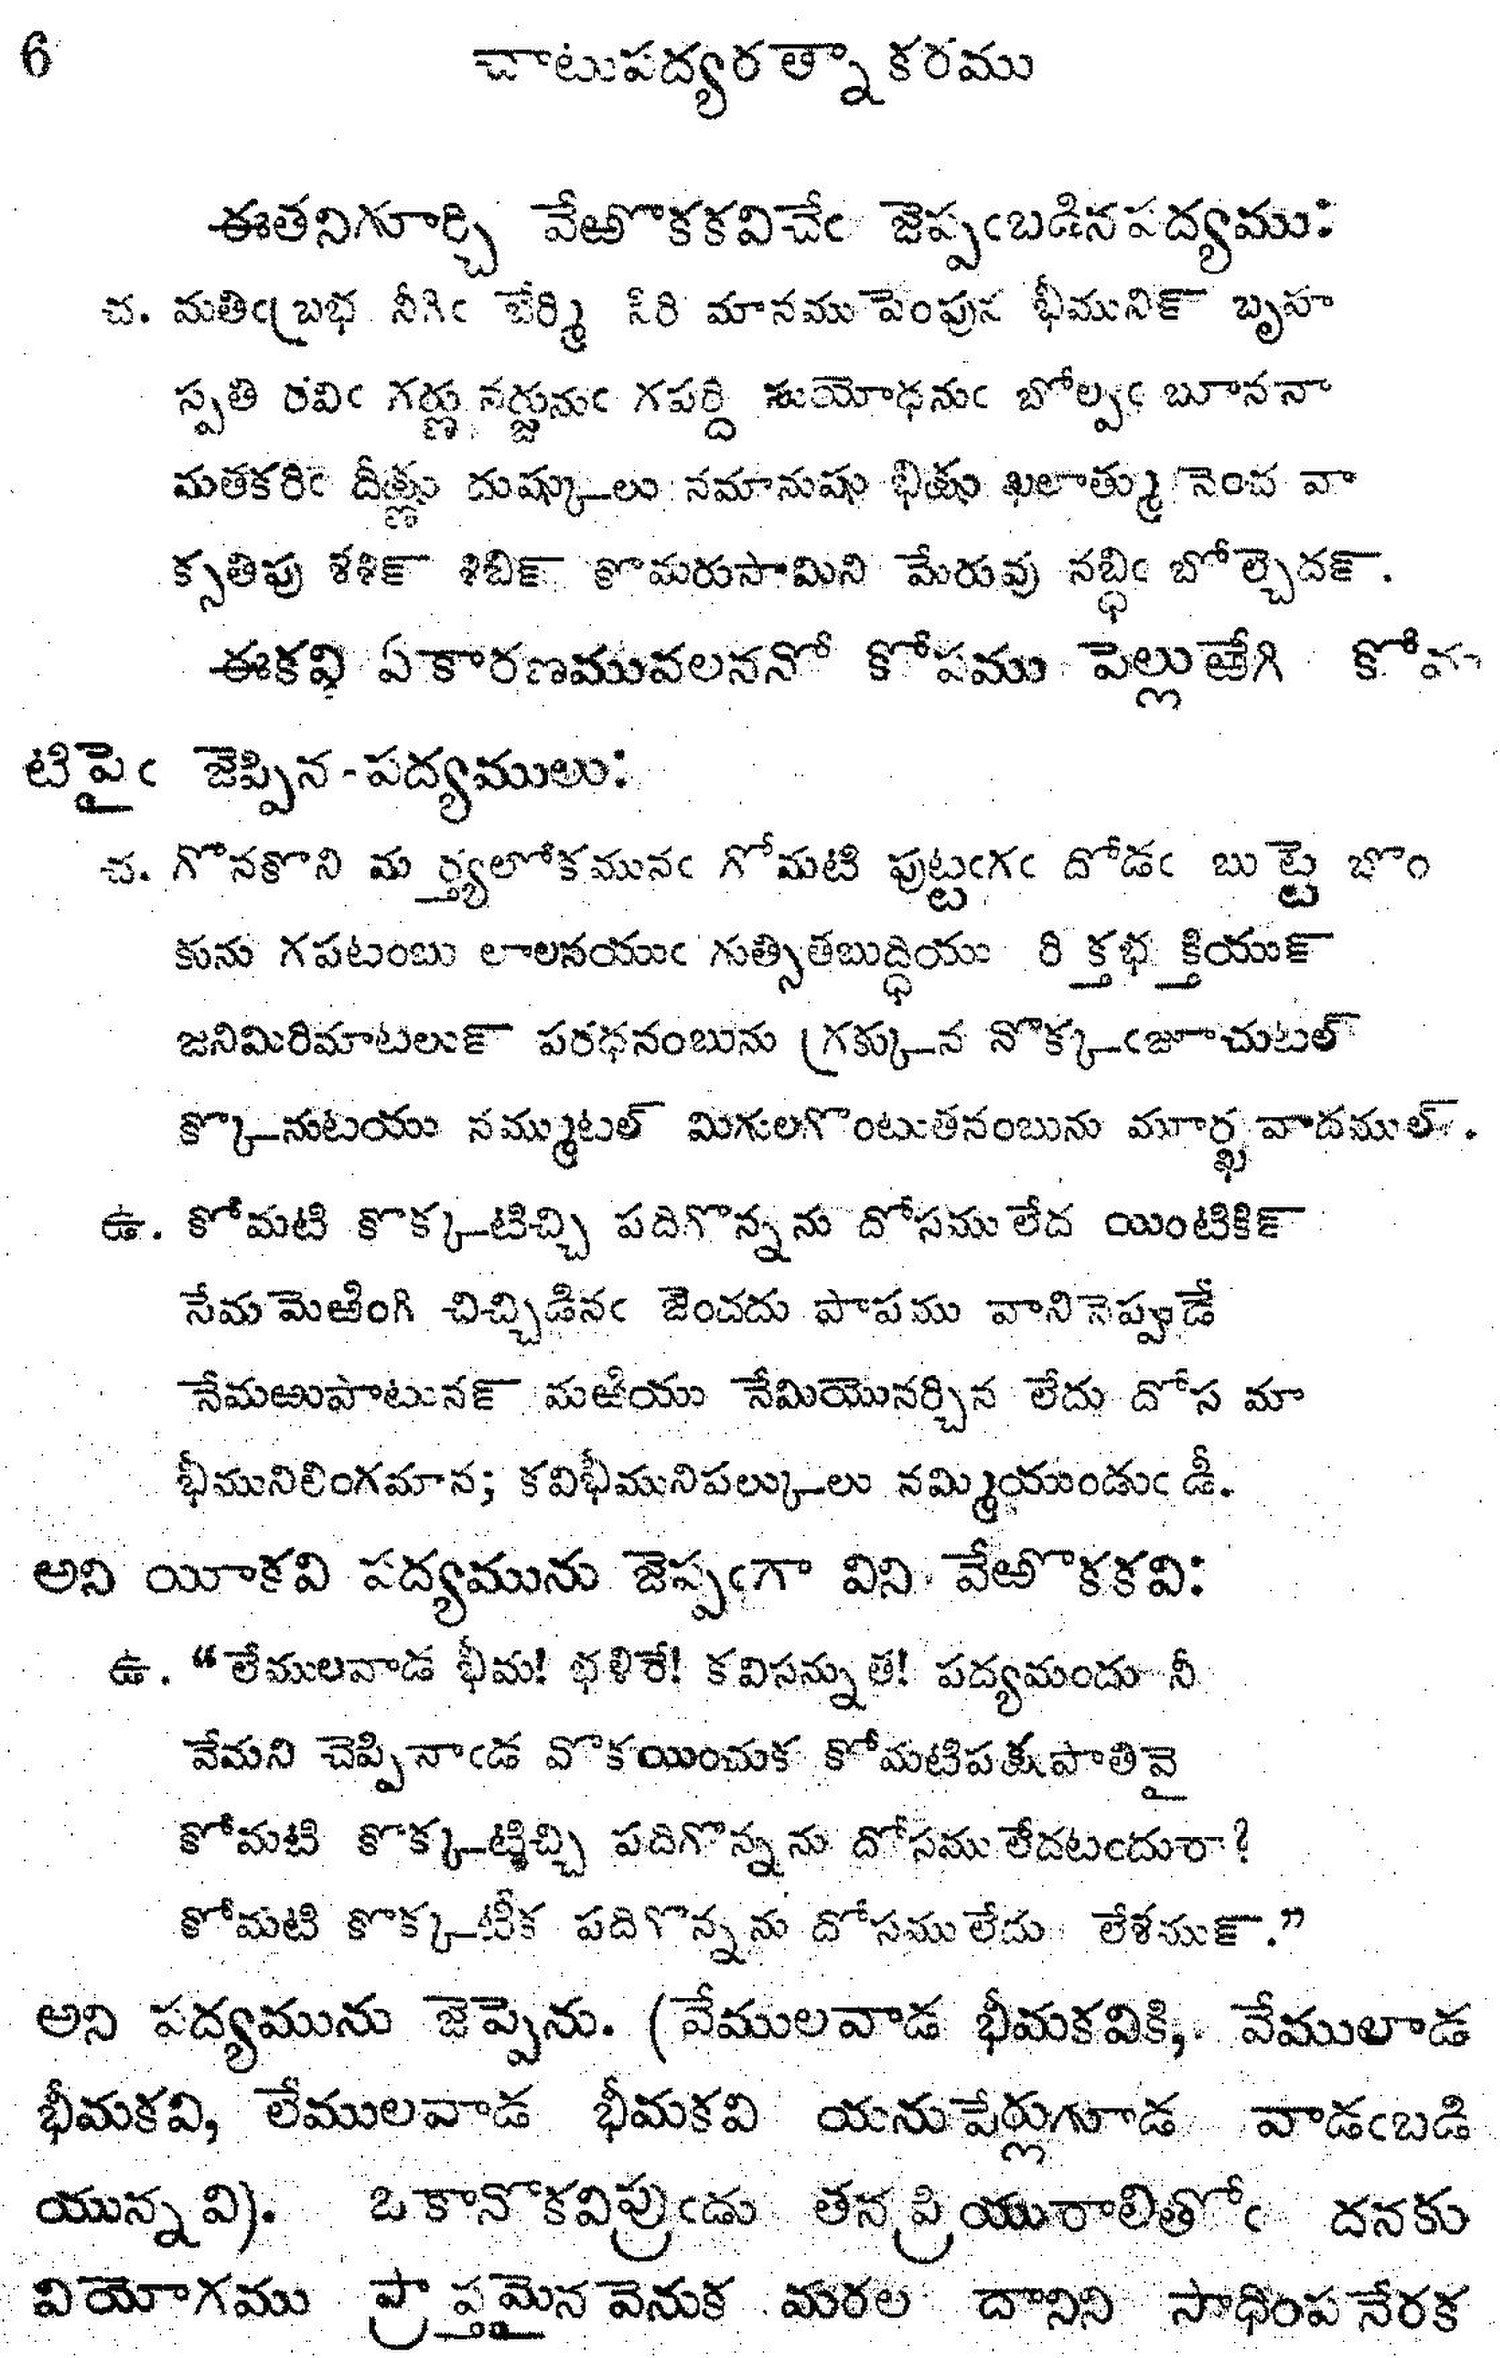ఈతనిగూర్చి వేఱొకకవిచేఁ జెప్పఁబడినపద్యము—

చ. మతిఁబ్రభ నీగిఁ బేర్మి సిరి మానము పెంపున భీమునిన్ బృహ
 స్పతి రవిఁ గర్ణు నర్జునుఁ గపర్ది సుయోధనుఁ బోల్పఁ బూననా
 మతకరిఁ దీక్ష్ణు దుష్కులు నమానుషు భిక్షు ఖలాత్ము నెంచ వా
 క్సతిపు శశిన్ శిబిన్ కొమరుసామిని మేరువు నబ్ధిఁ బోల్చెదన్.

ఈకవి ఏకారణమువలననో కోపము పెల్లుఱేగి కోమటిపైఁ జెప్పిన పద్యములు.

చ. గొనకొని మర్త్యలోకమునఁ గోమటి పుట్టఁగఁ బుట్టెఁ దోన బొం
 కును గపటంబు లాలనయుఁ గుచ్చిబుద్ధియు రిత్తభక్తియున్
 ననువరిమాటలున్ బరధనంబును గ్రక్కున మెక్కఁ జూచుటల్
 కొనుటలు నమ్ముటల్ మిగులఁ గొంటుఁదనంబును మూర్ఖవాదమున్.

ఉ. కోమటి కొక్క టిచ్చి పది గొన్నను దోసము లేద; యింటికిన్
 సేమ మెఱింగి చిచ్చిడినఁ జెందద పాపము; వాసి నెప్పుడే
 నేమరుపాటున న్మఱియు నేమియొనర్చిన లేద దోస మా
 భీముని లింగమాన! కవిభీమునిపల్కులు నమ్మి యుండుఁడీ!

అని యీకవి పద్యమును జెప్పఁగా విని వేఱొకకవి—

ఉ. లేములవాడ భీమ! భళిరే! కవిసన్నుత! పద్యమందు నీ
 వేమని చెప్పినాఁడ వొకయించుక కోమటిపక్షపాతివై
 కోమటి కొక్కటిచ్చి పదిగొన్నను దోసము లే దటందురా?
 కోమటి కొక్కటీక పదిగొన్నను దోసములేదు లేశమున్.

అని పద్యమును జెప్పెను. (వేములవాడ భీమకవికి వేములాడ భీమకవి, లేములవాడ భీమకవి యనుపేర్లుగూడ వాడఁబడి యున్నవి.) ఒకానొకవిప్రుఁడు తనప్రియురాలితోఁ దనకు వియోగము ప్రాప్తమైనవెనుక మరల దానిని సాధింపనేరక